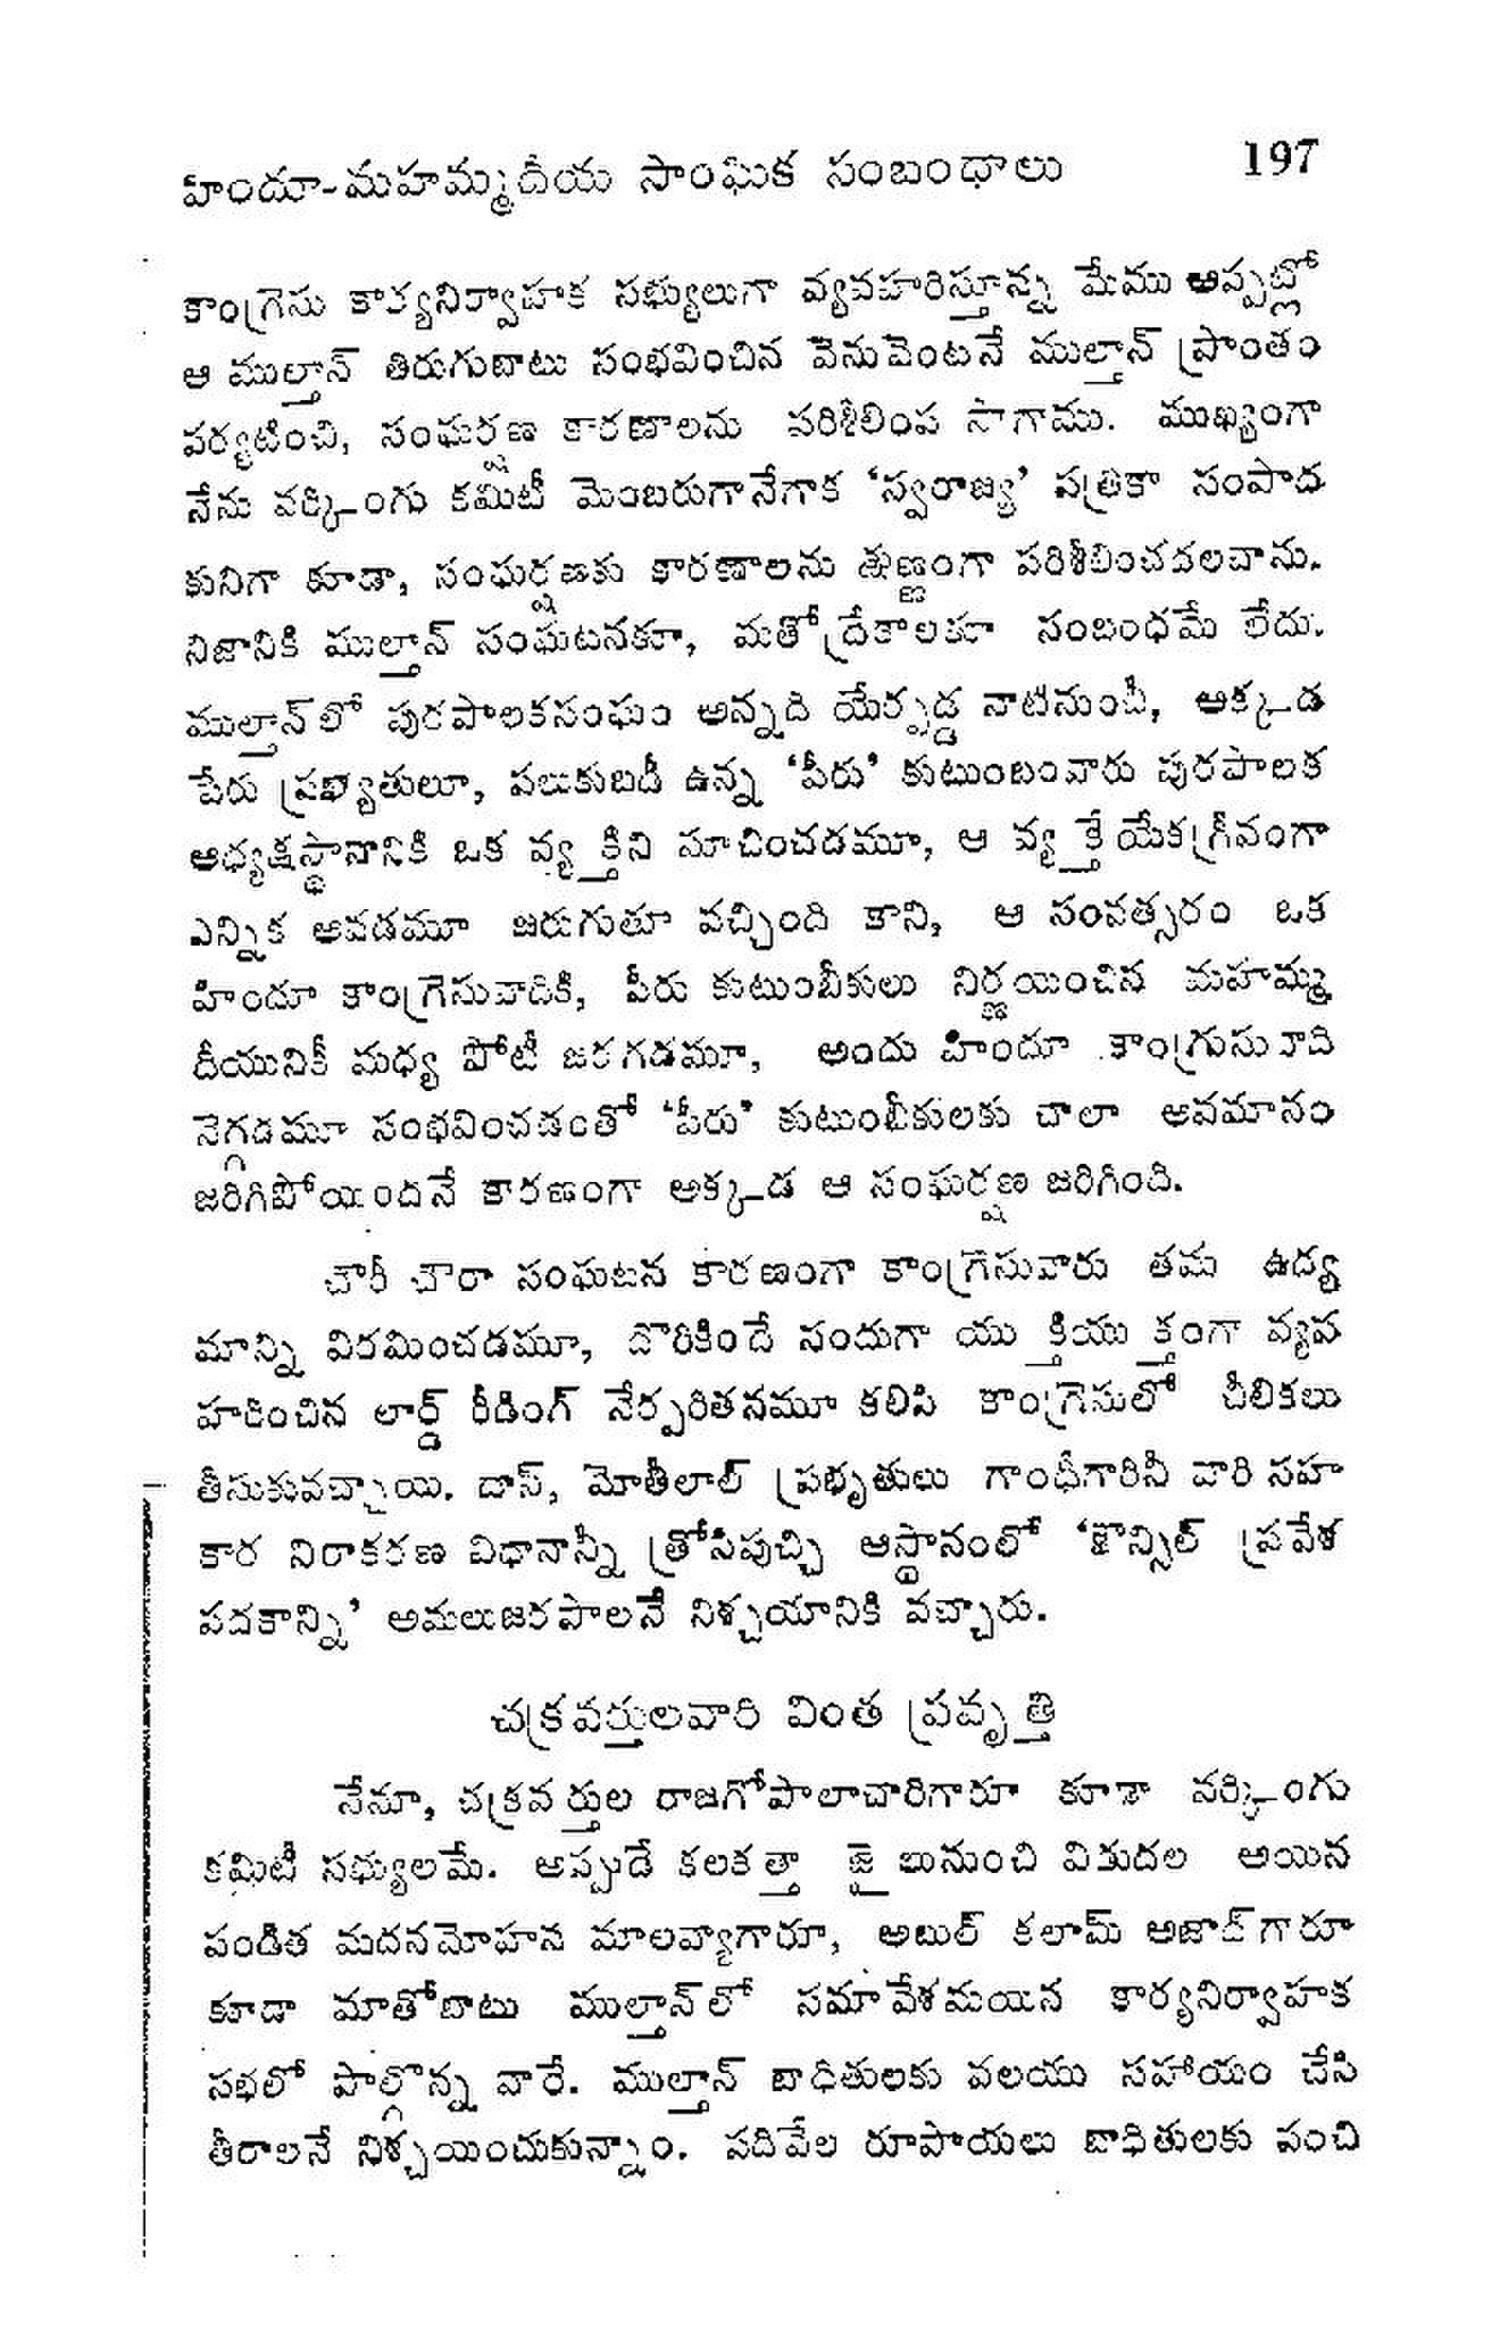కాంగ్రెసు కార్యనిర్వాహక సభ్యులుగా వ్యవహరిస్తూన్న మేము అప్పట్లో అ ముల్తాన్ తిరుగుబాటు సంభవించిన వెనువెంటనే ముల్తాన్ ప్రాంతం పర్యటించి, సంఘర్షణ కారణాలను పరిశీలింప సాగాము. ముఖ్యంగా నేను వర్కింగు కమిటీ మెంబరుగానేగాక "స్వరాజ్య" పత్రికా సంపాదకునిగా కూడా, సంఘర్షణకు కారణాలను క్షుణ్ణంగా పరిశీలించదలచాను. నిజానికి ముల్తాన్ సంఘటనకూ, మతోద్రేకాలకూ సంబంధమే లేదు. ముల్తాన్‌లో పురపాలకసంఘం అన్నది యేర్పడ్డ నాటినుంచీ, అక్కడ పేరు ప్రఖ్యాతలూ, పలుకుబడి ఉన్న "పీరు" కుటుంబంవారు పురపాలక అధ్యక్షస్థానానికి ఒక వ్యక్తిని సూచించడమూ, అ వ్యక్తే యేకగ్రీవంగా ఎన్నిక అవడమూ జరుగుతూ వచ్చింది కాని, అ సంవత్సరం ఒక హిందూ కాంగ్రెసువాదికి, పీరు కుటుంబీకులు నిర్ణయించిన మహమ్మదీయునికి మధ్య పోటీ జరగడమూ, అందు హిందూ కాంగ్రెసువాది నెగ్గడమూ సంభవించడంతో "పీరు" కుటుంబీకులకు చాలా అవమానం జరిగిపోయిందనే కారణంగా అక్కడ ఆ సంఘర్షణ జరిగింది.

చౌరీ చౌరా సంఘటన కారణంగా కాంగ్రెసువారు తమ ఉద్యమాన్ని విరమించడమూ, దొరికిందే సందుగా యుక్తియుక్తంగా వ్యవహరించిన లార్డ్ రీడింగ్ నేర్పరితనమూ కలిసి కాంగ్రెసులో చీలికలు తీసుకువచ్చాయి. దాస్, మోతిలాల్ ప్రభృతులు గాంధీగారినీ వారి సహకార నిరాకరణ విధానాన్నీ త్రోసిపుచ్చి అస్థానంలో "కౌన్సిల్ ప్రవేశ పదకాన్ని" అమలు జరపాలనే నిశ్చయానికి వచ్చారు.

నేనూ, చక్రవర్తుల రాజగోపాలాచారిగారూ కూడా వర్కింగు కమిటీ సభ్యులమే. అప్పుడే కలకత్తా జైలునుంచి విడుదల అయిన పండిత మదనమోహన మాలవ్యాగారూ, అబుల్ కలాం అజాద్ గారూ కూడా మాతోబాటు ముల్తాన్‌లో సమావేశమయిన కార్యనిర్వాహక సభలో పాల్గొన్నవారే. ముల్తాన్ బాధితులకు వలయు సహాయం చేసి తీరాలనే నిశ్చయించుకున్నాం పదివేల రూపాయలు బాధితులకు పంచి